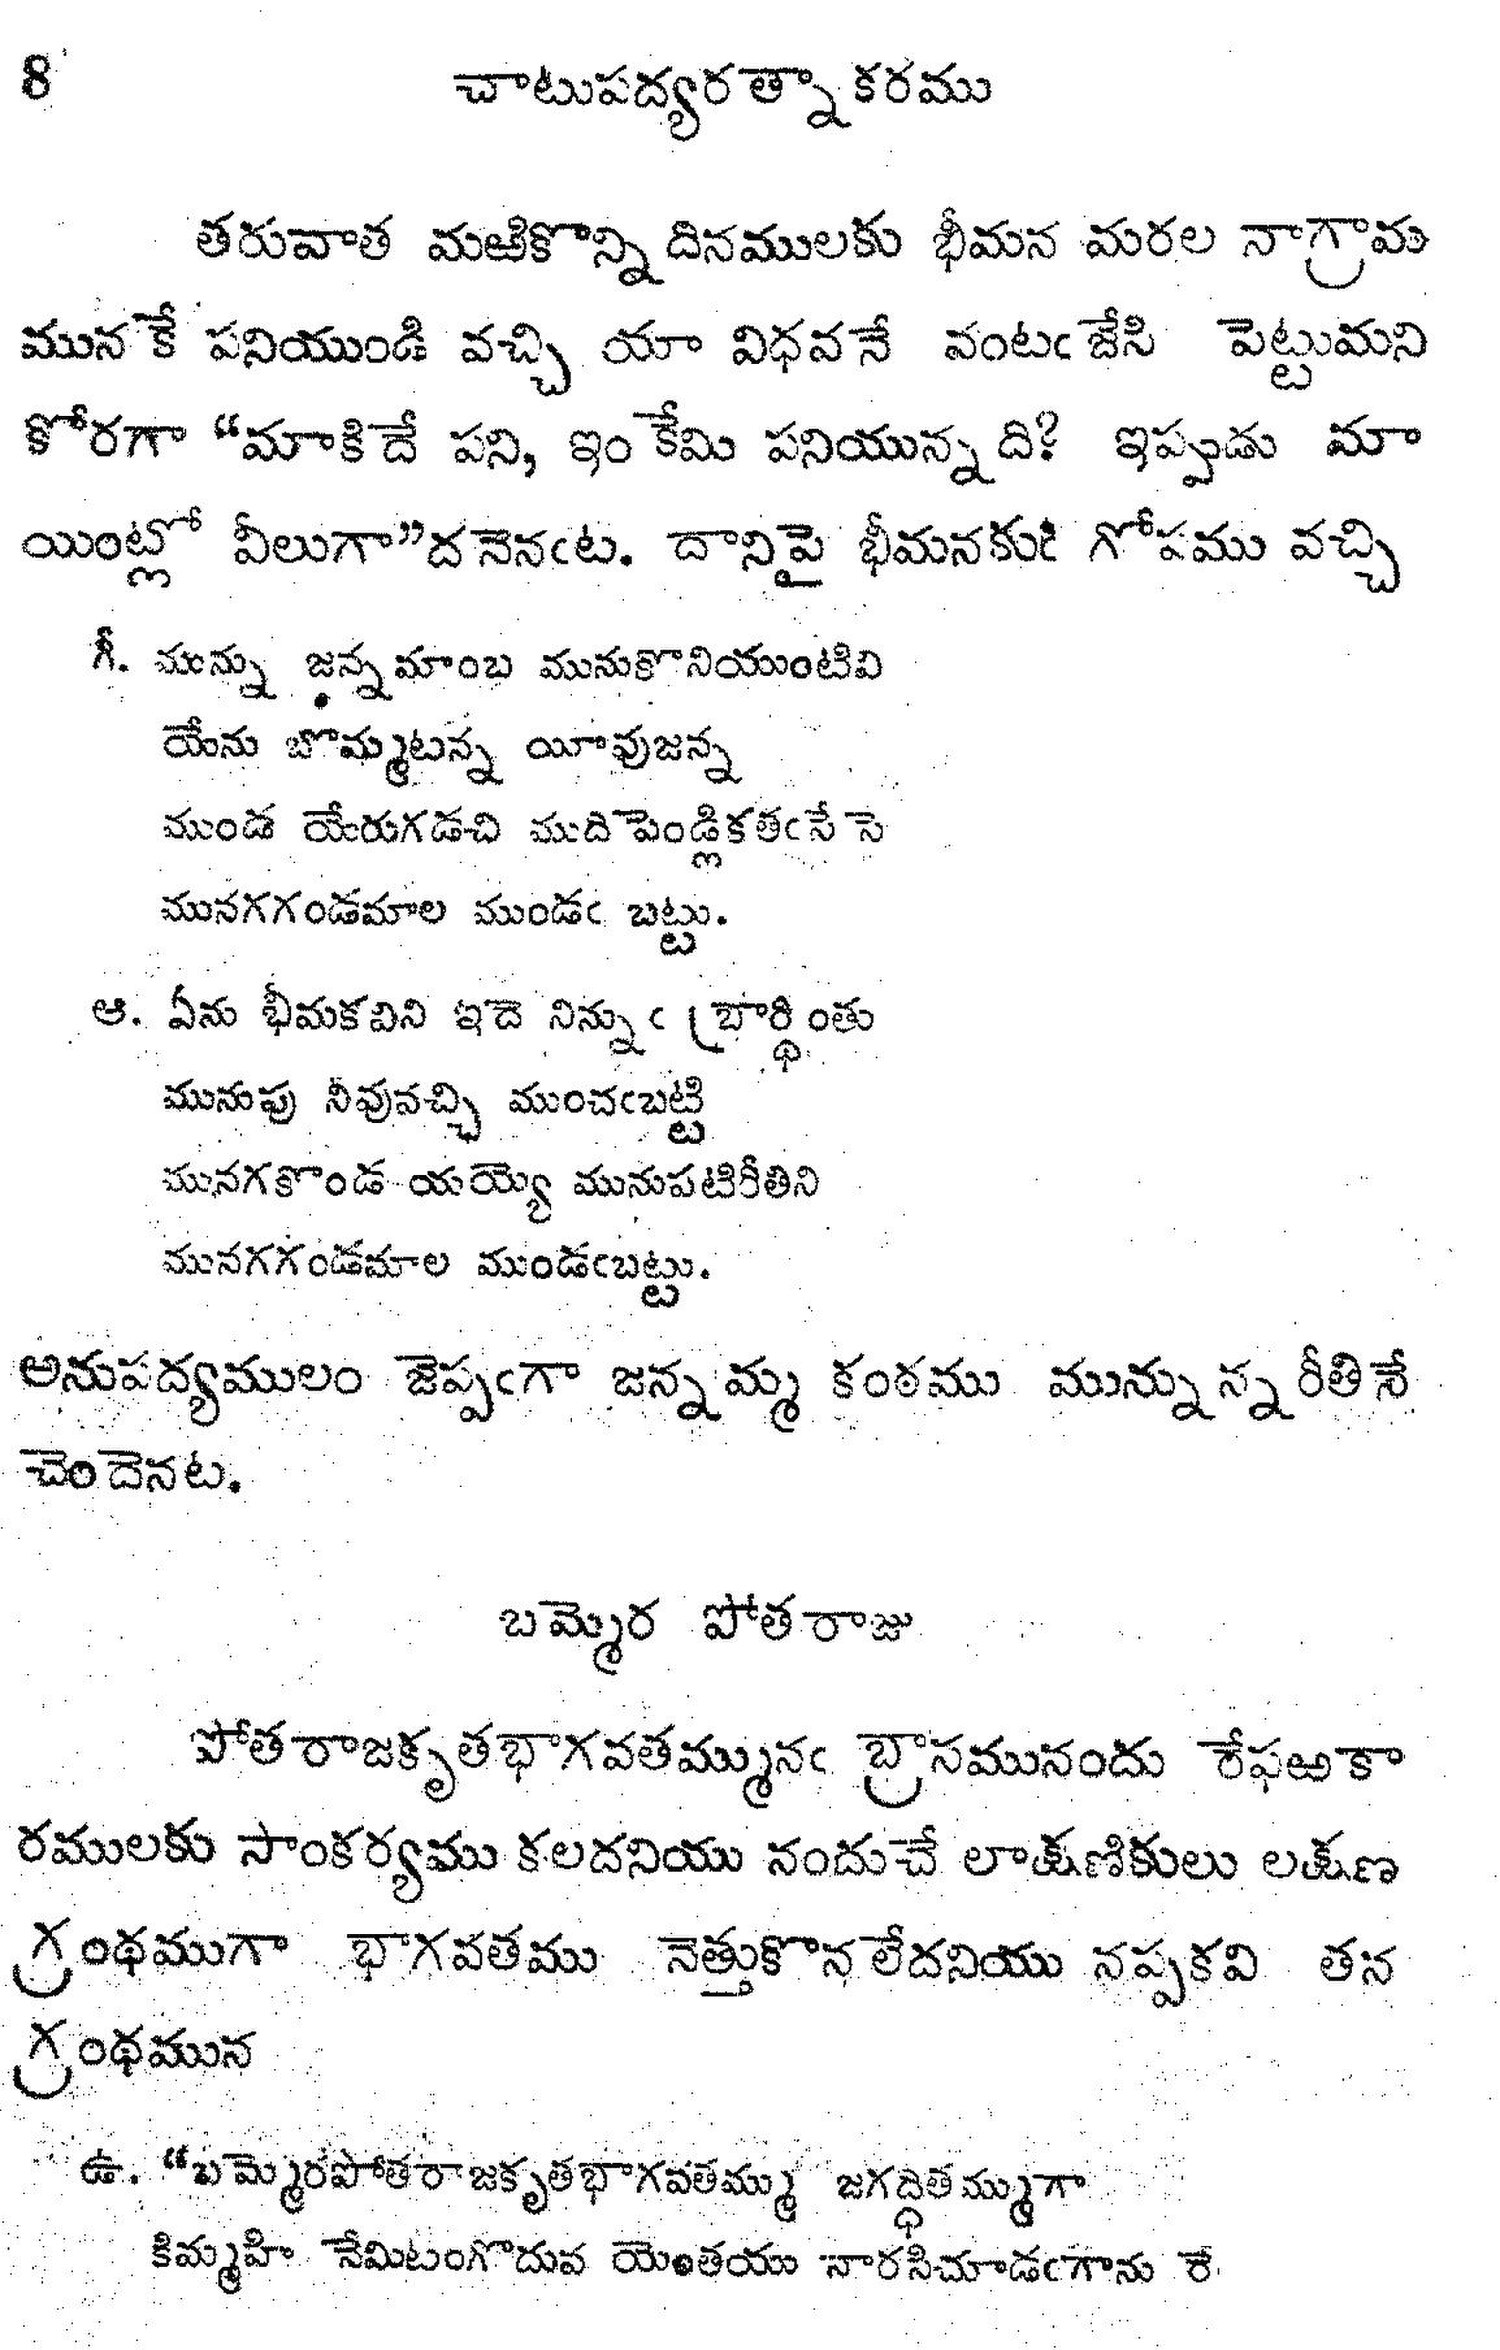తరువాత మఱికొన్నిదినములకు భీమన మరల నాగ్రామమునకే పనియుండి వచ్చి యా విధవనే వంటఁజేసి పెట్టుమని కోరగా “మాకిదేపని, ఇంకేమి పనియున్నది? ఇప్పుడు మాయింట్లో వీలు గా” దనెనఁట. దానిపై భీమనకుఁ గోపము వచ్చి
గీ. మున్ను జన్నమాంబ మునుకొనియుంటివి
 యేను బొమ్మటన్న యీవుజన్న
 ముండ యేరుగడచి ముదిపెండ్లికతఁసేసె
 మునగగండమాల ముండఁ బట్టు.

ఆ. ఏను భీమకవిని ఇదె నిన్నుఁ బ్రార్థింతు
 మునుపు నీవువచ్చి ముంచఁబట్టి
 మునగకొండ యయ్యె మునుపటిరీతిని
 మునగగండమాల ముండఁబట్టు.

అను పద్యములం జెప్పఁగా జన్నమ్మకంఠము మున్నున్నరీతినే చెందెనట.

పోతరాజకృతభాగవతమ్మునఁ బ్రాసమునందు రేఫఱకారములకు సాంకర్యము కలదనియు నందుచే లాక్షణికులు లక్షణగ్రంథముగా భాగవతము నెత్తుకొనలేదనియు నప్పకవి తన గ్రంథమున

ఉ. బమ్మెరపోతరాజకృతభాగవతమ్ము జగద్ధితమ్ముగా
 కిమ్మహి నేమిటంగొదువ యెంతయు నారసిచూడఁగాను రే